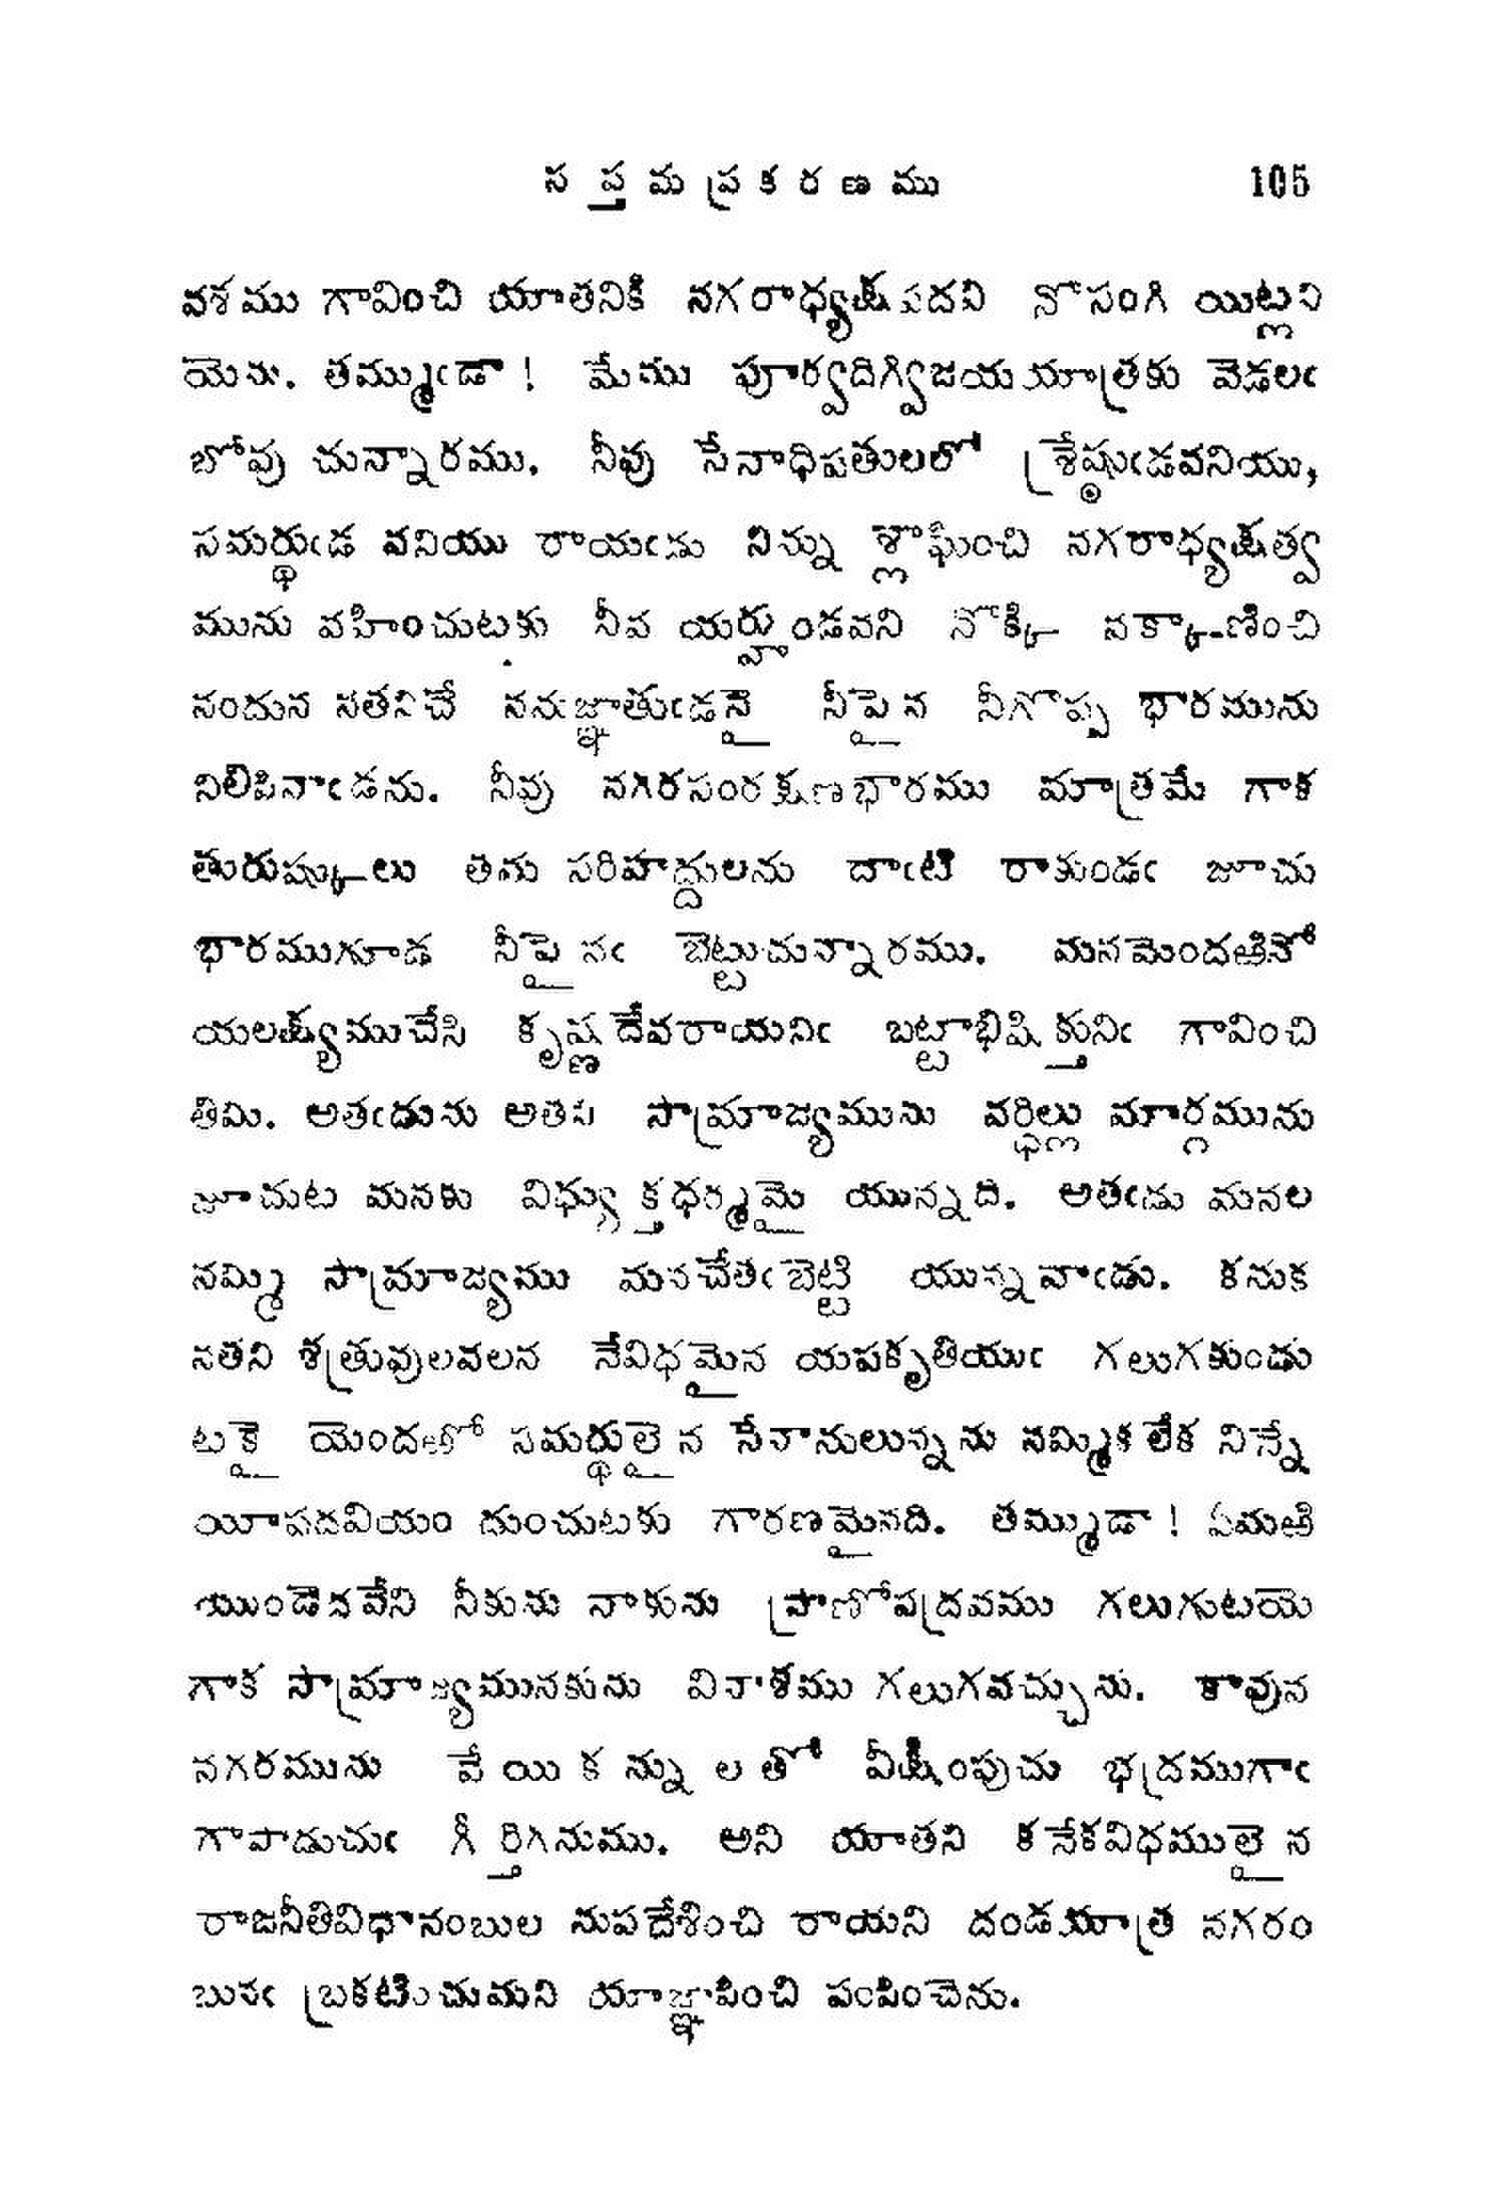వశము గావించి యాతనికి నగరాధ్యక్షపదవి నొసంగి యిట్లనియెను. తమ్ముఁడా! మేము పూర్వదిగ్విజయ యాత్రకు వెడలఁ బోవు చున్నారము. నీవు సేనాధిపతులలో శ్రేష్ఠుఁడవనియు, సమర్థుఁడ వనియు రాయఁడు నిన్ను శ్లాఘించి నగరాధ్యక్షత్వమును వహించుటకు నీవ యర్హుండవని నొక్కి వక్కాణించి నందున నతనిచే ననుజ్ఞాతుఁడనై నీపైన నీగొప్ప భారమును నిలిపినాఁడను. నీవు నగరసంరక్షణభారము మాత్రమే గాక తురుష్కులు తమ సరిహద్దులను దాఁటి రాకుండఁ జూచు భారముగూడ నీపైనఁ బెట్టుచున్నారము. మనమెందఱినో యలక్ష్యముచేసి కృష్ణదేవరాయన్ని బట్టాభిషిక్తునిఁ గావించితిమి. అతఁడును అతని సామ్రాజ్యమును వర్ధిల్లు మార్గమును జూచుట మనకు విధ్యుక్తధర్మమై యున్నది. అతఁడు మనల నమ్మి సామ్రాజ్యము మనచేతఁబెట్టి యున్నవాడు. కనుక నతని శత్రువులవలన నేవిధమైన యపకృతియుఁ గలుగకుండుటకై యెందఱో సమర్థులైన సేనానులున్నను నమ్మికలేక నిన్నే యీపదవియం దుంచుటకు గారణమైనది. తమ్ముడా ! ఏమఱి యుండెదవేని నీకును నాకును ప్రొణోపద్రవము గలుగుటయె గాక సామ్రాజ్యమునకును వినాశము గలుగవచ్చును. కావున నగరమును వేయి కన్నులతో వీక్షింపుచు భద్రముగాఁ గాపాడుచుఁ గీర్తిగనుము. అని యాతని కనేకవిధములై న రాజనీతివిధానంబుల నుపదేశించి రాయని దండయాత్ర నగరంబునఁ బ్రకటించుమని యూజ్ఞాపించి పంపించెను.